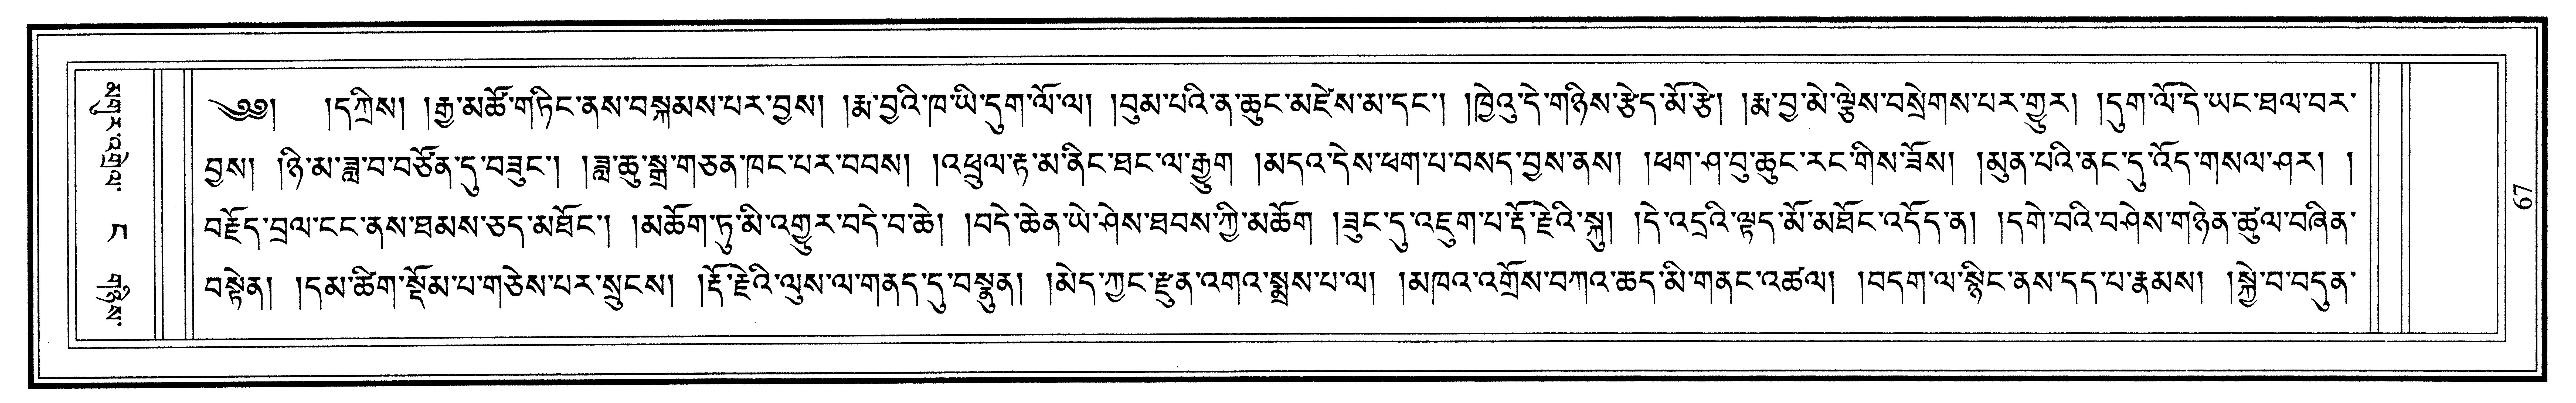༄༅། །དཀྲིས། །རྒྱ་མཚོ་གཏིང་ནས་བསྐམས་པར་བྱས། །རྨ་བྱའི་ཁ་ཡི་དུག་ལོ་ལ། །བུམ་པའི་ན་ཆུང་མཛེས་མ་དང་། །ཁྱེའུ་དེ་གཉིས་རྩེད་མོ་རྩེ། །རྨ་བྱ་མེ་ལྕེས་བསྲེགས་པར་གྱུར། །དུག་ལོ་དེ་ཡང་ཐལ་བར་
བྱས། །ཉི་མ་ཟླ་བ་བཙོན་དུ་བཟུང་། །ཟླ་ཆུ་སྒྲ་གཅན་ཁང་པར་བབས། །འཕྲུལ་རྟ་མ་ནིང་ཐང་ལ་རྒྱུག །མདའ་དེས་ཕག་པ་བསད་བྱས་ནས། །ཕག་ཤ་བུ་ཆུང་རང་གིས་ཟོས། །མུན་པའི་ནང་དུ་འོད་གསལ་ཤར། །
བརྗོད་བྲལ་ངང་ནས་ཐམས་ཅད་མཐོང་། །མཆོག་ཏུ་མི་འགྱུར་བདེ་བ་ཆེ། །བདེ་ཆེན་ཡེ་ཤེས་ཐབས་ཀྱི་མཆོག །ཟུང་དུ་འཇུག་པ་རྡོ་རྗེའི་སྐུ། །དེ་འདྲའི་ལྟད་མོ་མཐོང་འདོད་ན། །དགེ་བའི་བཤེས་གཉེན་ཚུལ་བཞིན་
བསྟེན། །དམ་ཚིག་སྡོམ་པ་གཅེས་པར་སྲུངས། །རྡོ་རྗེའི་ལུས་ལ་གནད་དུ་བསྣུན། །མེད་ཀྱང་རྫུན་འགའ་སྨྲས་པ་ལ། །མཁའ་འགྲོས་བཀའ་ཆད་མི་གནང་འཚལ། །བདག་ལ་སྙིང་ནས་དད་པ་རྣམས། །སྐྱེ་བ་བདུན་